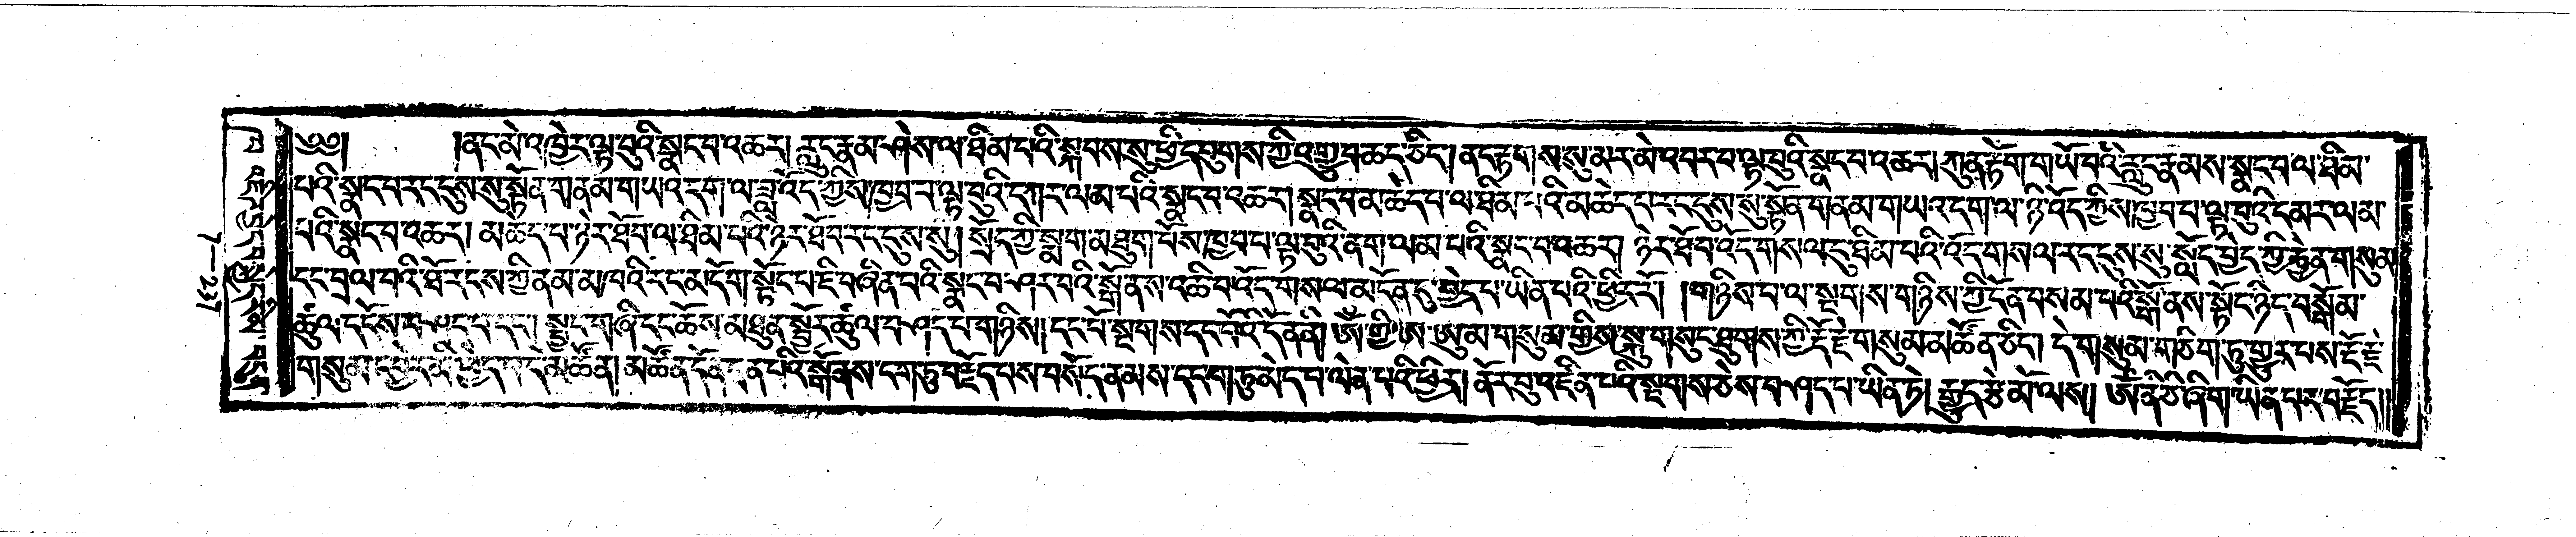༄༅། །ནང་མེ་འཁྱེར་ལྟ་བུའི་སྣང་བ་འཆར། རླུང་རྣམ་ཤེས་ལ་ཐིམ་པའི་སྐབས་སུ་ཕྱི་དབུགས་ཀྱི་འགྱུ་བ་ཆད་ཅིང་། ནང་རྟགས་སུ་མར་མེ་འབར་བ་ལྟ་བུའི་སྣང་བ་འཆར། ཀུན་རྟོག་གཡོ་བའི་རླུང་རྣམས་སྣང་བ་ལ་ཐིམ་
པའི་སྣང་བ་རང་དུས་སུ་སྟོན་གནམ་གཡའི་དག་ལ་ཟླ་འོད་ཀྱིས་ཁྱབ་པ་ལྟ་བུའི་དཀར་ལམ་པའི་སྣང་བ་འཆར། སྣང་བ་མཆེད་པ་ལ་ཐིམ་པའི་མཆེད་པ་རང་དུས་སུ་སྟོན་གནམ་གཡའ་དག་ལ་ཉི་འོད་ཀྱིས་ཁྱབ་པ་ལྟ་བུའི་དམར་ལམ་
པའི་སྣང་བ་འཆར། མཆེད་པ་ཉེར་ཐོབ་ལ་ཐིམ་པའི་ཉེར་ཐོབ་རང་དུས་སུ། སྲོད་ཀྱི་སྨག་མཐུག་པོས་ཁྱབ་པ་ལྟ་བུའི་ནག་ལམ་པའི་སྨང་བ་འཆར། ཉེར་ཐོབ་འོད་གསལ་དུ་ཐིམ་པའི་འོད་གསལ་རང་དུས་སུ་སློད་བྱེད་ཀྱི་རྒྱན་གསུམ་
དང་བྲལ་བའི་ཐོ་རངས་ཀྱི་ནམ་མཁའི་རང་མདོག་སྟོང་པ་ཇི་བཞིན་པའི་སྣང་བ་ཤར་བའི་སྒོ་ནས་འཆི་བ་འོད་གསལ་མངོན་དུ་བྱེད་པ་ཡིན་པའི་ཕྱིར་རོ། །གཉིས་པ་ལ་སྔགས་གཉིས་ཀྱི་དོན་བསམ་པའི་སྒོ་ནས་སྟོང་ཉིད་བསྒོམ་
ཚུལ་དངོས་བཤད་པ་དང་། སྦྱང་གཞི་དང་ཆོས་མཐུན་སྦྱོར་ཚུལ་བཤད་པ་གཉིས། དང་པོ་སྔགས་དང་པོའི་དོན་ནི། ཨོཾ་གྱི་ཨ་ཨུ་མ་གསུམ་གྱིས་སྐུ་གསུང་ཐུགས་ཀྱི་རྡོ་རྗེ་གསུམ་མཚོན་ཅིང་། དེ་གསུམ་གཅིག་ཏུ་གྱུར་བས་རྡོ་རྗེ་
གསུམ་དབྱེར་མི་ཕྱེད་པ་དེ་མཚོན། མཚོན་དོན་དྲན་པའི་སྒོ་ནས་ངག་ཏུ་བརྗོད་པས་བསོད་ནམས་དཔག་ཏུ་མེད་པ་ལེན་པའི་ཕྱིར། ནོར་བུ་འཛིན་པའི་སྔགས་ཅེས་བཤད་པ་ཡིན་ཏེ། རྒྱུད་རྩེ་མོ་ལས། ཨོཾ་ནི་ཅི་ཞིག་ཡིན་པར་བརྗོད། །